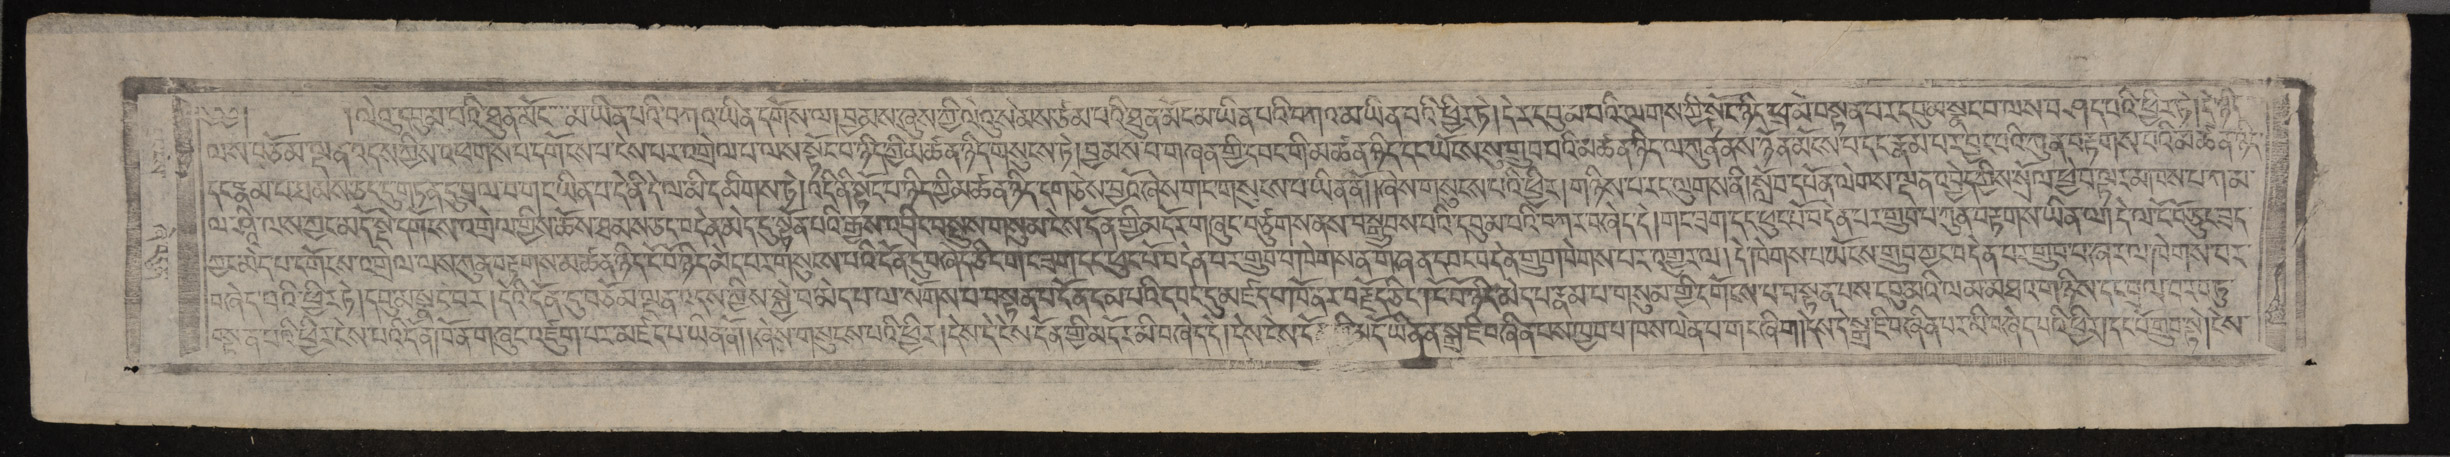༄༅། །ལེའུ་དབུ་མ་པའི་ཐུན་མོང་མ་ཡིན་པའི་བཀའ་ཡིན་དགོས་ལ། བྱམས་ཞུས་ཀྱི་ལེའུ་སེམས་ཙམ་པའི་ཐུན་མོང་མ་ཡིན་པའི་བཀའ་མ་ཡིན་པའི་ཕྱིར་ཏེ། དེར་དབུ་མ་པའི་ལུགས་ཀྱི་སྟོང་ཉིད་ཕྲ་མོ་བསྟན་པར་དབུ་མ་སྣང་བ་ལས་བཤད་པའི་ཕྱིར་ཏེ། དེ་ཉིད་
ལས་བཅོམ་ལྡན་འདས་ཀྱིས་འཕགས་པ་དགོངས་པ་ངེས་པར་འགྲེལ་པ་ལས་སྟོང་པ་ཉིད་ཀྱི་མཚན་ཉིད་གསུངས་ཏེ། བྱམས་པ་གཞན་གྱི་དབང་གི་མཚན་ཉིད་དང་ཡོངས་སུ་གྲུབ་པའི་མཚན་ཉིད་ལ་ཀུན་ནས་ཉོན་མོངས་པ་དང་རྣམ་པར་བྱད་པའི་ཀུན་བརྟགས་པའི་མཚན་ཉིད་
དང་རྣམ་པ་ཐམས་ཅད་དུ་གཏན་དུ་བྲལ་བ་གང་ཡིན་པ་དེ་ནི་དེ་ལ་མི་དམིགས་ཏེ། འདི་ནི་སྟོང་པ་ཉིད་ཀྱི་མཚན་ཉིད་དག་ཅེས་བྱའོ་ཞེས་གང་གསུངས་པ་ཡིན་ནོ། །ཞེས་གསུངས་པའི་ཕྱིར། གཉིས་པ་རང་ལུགས་ནི། སློབ་དཔོན་ལེགས་ལྡན་འབྱེད་ཀྱིས་སྲོལ་ཕྱེ་བ་ལྟར་མཁས་པ་ཀ་མ་
ལ་ཤཱི་ལས་ཀྱང་མདོ་སྡེ་དགོངས་འགྲེལ་གྱིས་ཆོས་ཐམས་ཅད་བདེན་མེད་དུ་སྟོན་པའི་རྒྱས་འབྲིང་བསྡུས་གསུམ་ངེས་དོན་གྱི་མདོར་གཞུང་བཙུགས་ནས་བསྒྲུབས་པའི་དབུ་མ་པའི་བཀར་བཞེད་དེ། གང་ཟག་དང་ཕུང་པོ་བདེན་པར་གྲུབ་པ་ཀུན་བརྟགས་ཡིན་ལ། དེ་ལ་ངོ་བོ་ཅུང་ཟད་
ཀྱང་མེད་པ་དགོངས་འགྲེལ་ལས་ཀུན་བརྟགས་མཚན་ཉིད་ངོ་བོ་ཉིད་མེད་པར་གསུངས་པའི་དོན་དུ་བཞེད་ཅིང་གང་ཟག་དང་ཕུང་པོ་བདེན་པར་གྲུབ་པ་ཁེགས་ན་གཞན་དབང་བདེན་གྲུབ་ཁེགས་པར་འགྱུར་ལ། དེ་ཁེགས་ན་ཡོངས་གྲུབ་ཀྱང་བདེན་པར་གྲུབ་པ་ཞར་ལ་ཁེགས་པར་
བཞེད་པའི་ཕྱིར་ཏེ། དབུ་མ་སྣང་བར། དེའི་དོན་དུ་བཅོམ་ལྡན་འདས་ཀྱིས་སྐྱེ་བ་མེད་པ་ལ་སོགས་པ་བསྟན་པ་དོན་དམ་པའི་དབང་དུ་མཛད་པ་ཁོ་ནར་བརྗོད་ཅིང་། ངོ་བོ་ཉིད་མེད་པ་རྣམ་པ་གསུམ་གྱི་དགོངས་པ་བསྟན་པས་དབུ་མའི་ལམ་མཐའ་གཉིས་དང་བྲལ་བ་རབ་ཏུ་
བསྟན་པའི་ཕྱིར་ངེས་པའི་དོན་ཁོ་ན་གཞུང་འཛུག་པར་མཛད་པ་ཡིན་ནོ། །ཞེས་གསུངས་པའི་ཕྱིར། དེས་དེ་ངེས་དོན་གྱི་མདོར་མི་བཞེད་དེ། དེས་ངེས་དོན་གྱི་མདོ་ཡིན་ན་སྒྲ་ཇི་བཞིན་པས་ཁྱབ་པ་ཁས་ལེན་པ་གང་ཞིག། དེས་དེ་སྒྲ་ཇི་བཞིན་པར་མི་བཞེད་པའི་ཕྱིར། དང་པོ་གྲུབ་སྟེ། ངེས་